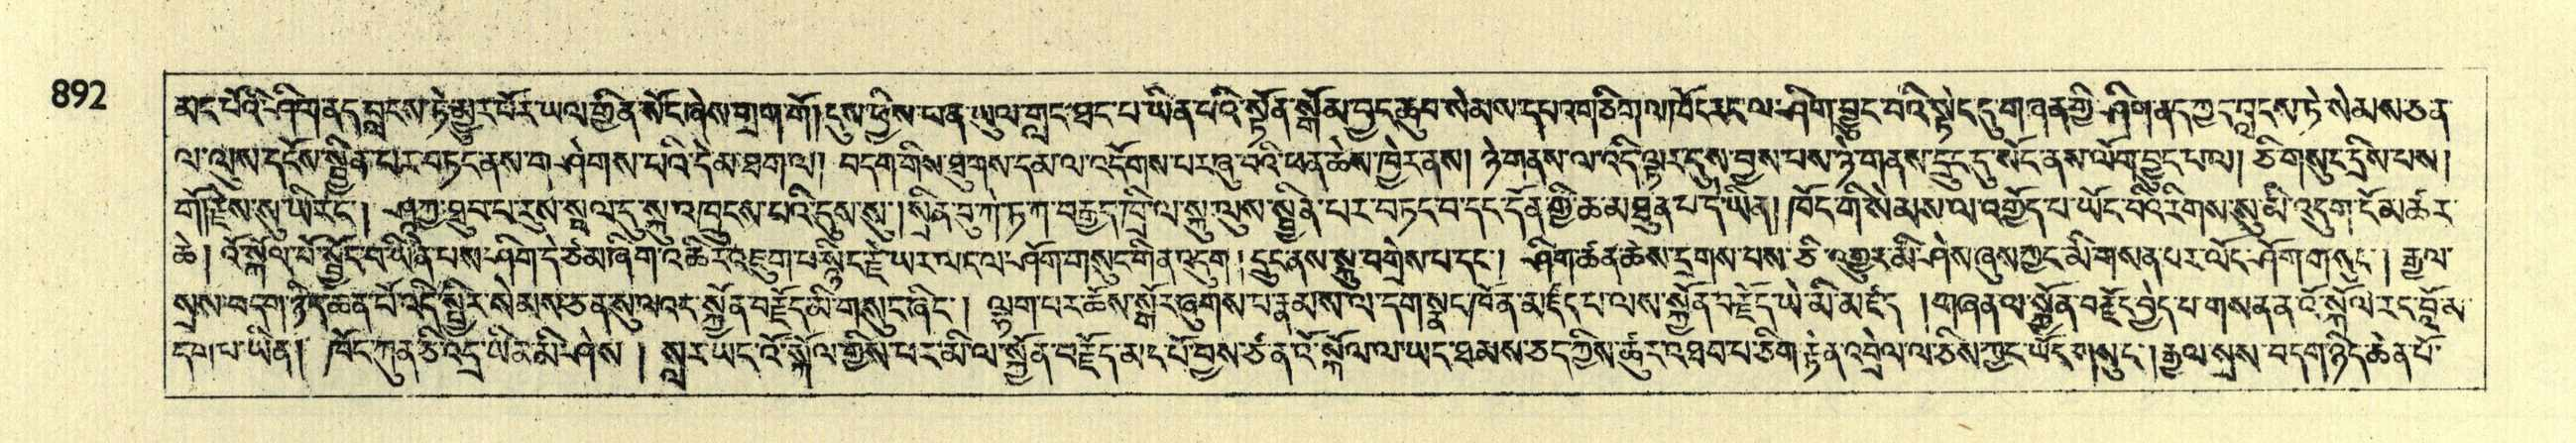མང་པོའི་ཤིག་ནད་བླངས་ཏེ་མྱུར་པོར་ཡལ་གྱིན་སོང་ཞེས་གྲག་གོ། དུས་ཕྱིས་པ་ན་ཡུལ་གླང་ཐང་པ་ཡིན་པའི་སྟོན་སྒོམ་བྱང་ཆུབ་སེམས་དཔའ་གཅིག་ལ་ཁོང་རང་ལ་ཤིག་བྱུང་བའི་སྟེང་དུ་གཞན་གྱི་ཤིག་ནད་ཀྱང་བླངས་ཏེ་སེམས་ཅན་
ལ་ལུས་དངོས་སྦྱིན་པར་བཏང་ནས་གཤེགས་པའི་དེ་མ་ཐག་ལ། བདག་གིས་ཐུགས་དམ་ལ་འདོགས་པར་ཞུ་བའི་ཕན་ཆེས་ཁྱེར་ནས། ཉེ་གནས་ལ་འདི་ལྟར་དུས་བྱས་པས་ཉེ་གནས་དྲུང་དུ་སོང་ནས་ལོག་བྱུང་པ་།ཨ་ཅི་གསུང་དྲིས་པས།
གོ། རྗེས་སུ་ཡི་རང་། ཤཱཀྱ་ཐུབ་པ་རུས་སྦལ་དུ་སྐུ་འཁྲུངས་པའི་དུས་སུ། སྲིན་བུ་ཀེ་ཏ་ཀ་བརྒྱད་ཁྲི་ལ་སྐུ་ལུས་སྦྱིན་པར་བཏང་བ་དང་། དོན་གྱི་ཆ་མཐུན་པ་དེ་ཡིན། ཁོང་གི་སེམས་ལ་འགྱོད་པ་ཡོང་བའི་རིགས་སུ་མི་འདུག་ངོ་མཚར་
ཆེ། འོ་སྐོལ་པོ་སྦྱོང་བ་ཡིན་པས་ཤིག་དེ་ཙམ་ཞིག་འཆིར་འཇུག་པ་སྙིང་རྗེ་ཡར་ལའང་ལ་ཤོག་གསུང་གིན་འདུག། དྲུང་ནས་སྐུ་བགྲེས་པ་དང་། ཤིག་ཚན་ཆེས་དྲགས་པས་ཅི་འགྱུར་མི་ཤེས་ཞུས་ཀྱང་མི་གསན་པར་ལོང་ཤོག་གསུང་། རྒྱལ་
སྲས་བདག་ཉིད་ཆེན་པོ་འདི་སྦྱིར་སེམས་ཅན་སུ་ལའང་སྐྱོན་བརྗོད་མི་གསུང་ཞིང་། ལྷག་པར་ཆོས་སྒོར་ཞུགས་པ་རྣམས་ལ་དག་སྣང་ཁོ་ན་མཛད་པ་ལས་སྐྱོན་བརྗོད་ཡེ་མི་མཛད་།གཞན་ལ་སྐྱོན་བརྗོད་བྱེད་པ་གསན་ན་འོ་སྐོལ་རང་བློ་མ་
དག་པ་ཡིན། ཁོང་ཀུན་ཅི་འདྲ་ཡིན་མི་ཤེས། སླར་ཡང་འོ་སྐོལ་གྱིས་པར་མི་ལ་སྐྱོན་བརྗོད་མང་པོ་བྱས་ཙ་ན་འོ་སྐོལ་ལ་ཡང་ཐམས་ཅད་ཀྱིས་ཚུར་འཐབ་པ་ཅིག་རྟེན་འབྲེལ་ལ་ཅིས་ཀྱང་ཡོང་གསུང་། རྒྱལ་སྲས་བདག་ཉིད་ཆེན་པོ་